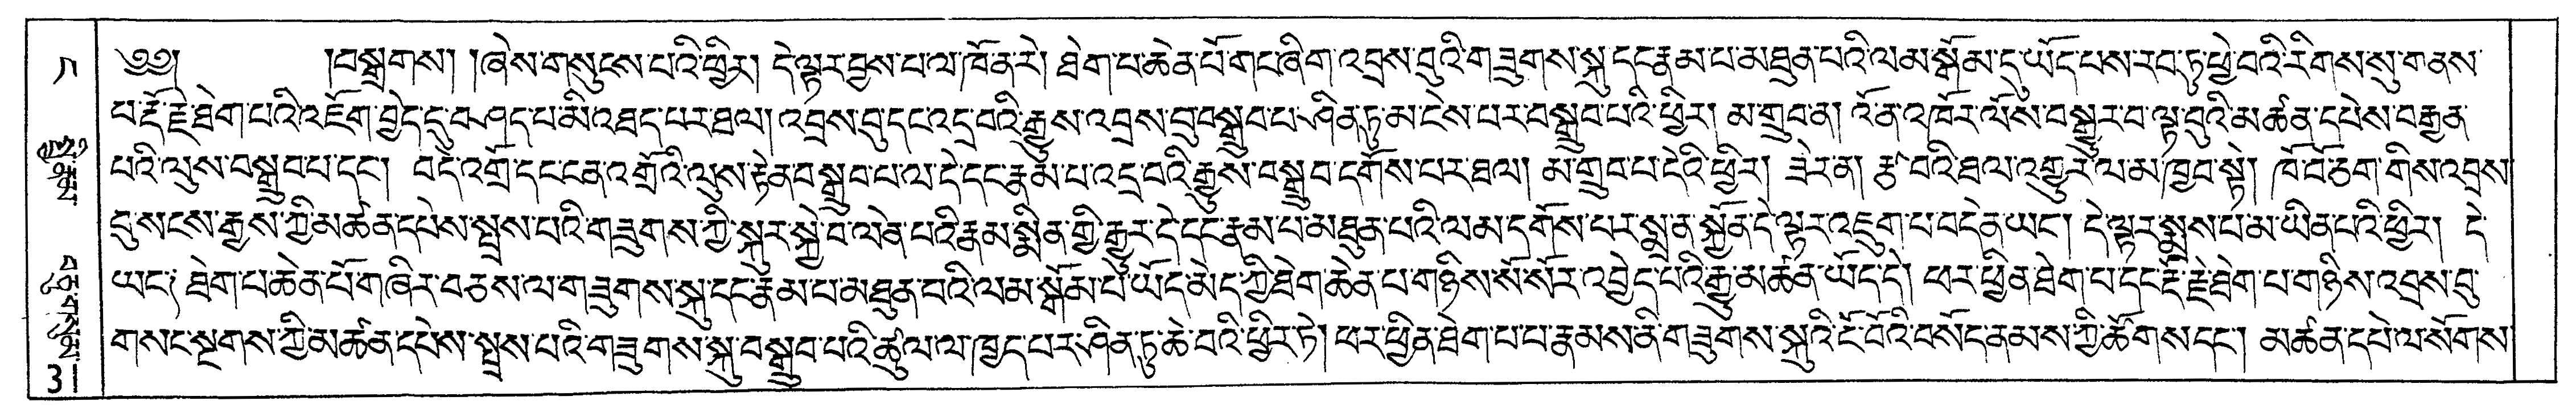༄༅། །བསྒྲགས། །ཞེས་གསུངས་པའི་ཕྱིར། དེ་ལྟར་བྱས་པ་ལ་ཁོ་ན་རེ། ཐེག་པ་ཆེན་པོ་གང་ཞིག་འབྲས་བུའི་གཟུགས་སྐུ་དང་རྣམ་པ་མཐུན་པའི་ལམ་སྒོམ་དུ་ཡོད་པས་རབ་ཏུ་ཕྱེ་བའི་རིགས་སུ་གནས་
པ་རྡོ་རྗེ་ཐེག་པའི་འཇོག་བྱེད་དུ་བཤད་པ་མི་འཐད་པར་ཐལ། འབྲས་བུ་དང་འདྲ་བའི་རྒྱུས་འབྲས་བུ་བསྒྲུབ་པ་ཤིན་ཏུ་མ་ངེས་པར་བསྒྲུབ་པའི་ཕྱིར། མ་གྲུབ་ན། འོ་ན་འཁོར་ལོས་བསྒྱུར་བ་ལྟ་བུའི་མཚན་དཔེས་བརྒྱན་
པའི་ལུས་བསྒྲུབ་པ་དང་། བདེ་འགྲོ་དང་ངན་འགྲོའི་ལུས་རྟེན་བསྒྲུབ་པ་ལ་དེ་དང་རྣམ་པ་འདྲ་བའི་རྒྱུས་བསྒྲུབ་དགོས་པར་ཐལ། མ་གྲུབ་པ་དེའི་ཕྱིར། ཟེར་ན། རྩ་བའི་ཐལ་འགྱུར་ལ་མ་ཁྱབ་སྟེ། ཁོ་བོ་ཅག་གིས་འབྲས་
བུ་སངས་རྒྱས་ཀྱི་མཚན་དཔེས་སྤྲས་པའི་གཟུགས་ཀྱི་སྐུར་སྐྱེ་བ་ལེན་པའི་རྣམ་སྨིན་གྱི་རྒྱུར་དེ་དང་རྣམ་པ་མཐུན་པའི་ལམ་དགོས་པར་སྨྲ་ན་སྐྱོན་དེ་ལྟར་འཇུག་པ་བདེན་ཡང་། དེ་ལྟར་སྨྲས་པ་མ་ཡིན་པའི་ཕྱིར། དེ་
ཡང་། ཐེག་པ་ཆེན་པོ་གཞིར་བཅས་ལ་གཟུགས་སྐུ་དང་རྣམ་པ་མཐུན་པའི་ལམ་སྒོམ་པ་ཡོད་མེད་ཀྱི་ཐེག་ཆེན་པ་གཉིས་སོ་སོར་འབྱེད་པའི་རྒྱུ་མཚན་ཡོད་དེ། ཕར་ཕྱིན་ཐེག་པ་དང་རྡོ་རྗེ་ཐེག་པ་གཉིས་འབྲས་བུ་
གསང་སྔགས་ཀྱི་མཚན་དཔེས་སྤྲས་པའི་གཟུགས་སྐུ་བསྒྲུབ་པའི་ཚུལ་ལ་ཁྱད་པར་ཤིན་ཏུ་ཆེ་བའི་ཕྱིར་ཏེ། ཕར་ཕྱིན་ཐེག་པ་པ་རྣམས་ནི་གཟུགས་སྐུའི་ངོ་བོའི་བསོད་ནམས་ཀྱི་ཚོགས་དང་། མཚན་དཔེ་ལ་སོགས་